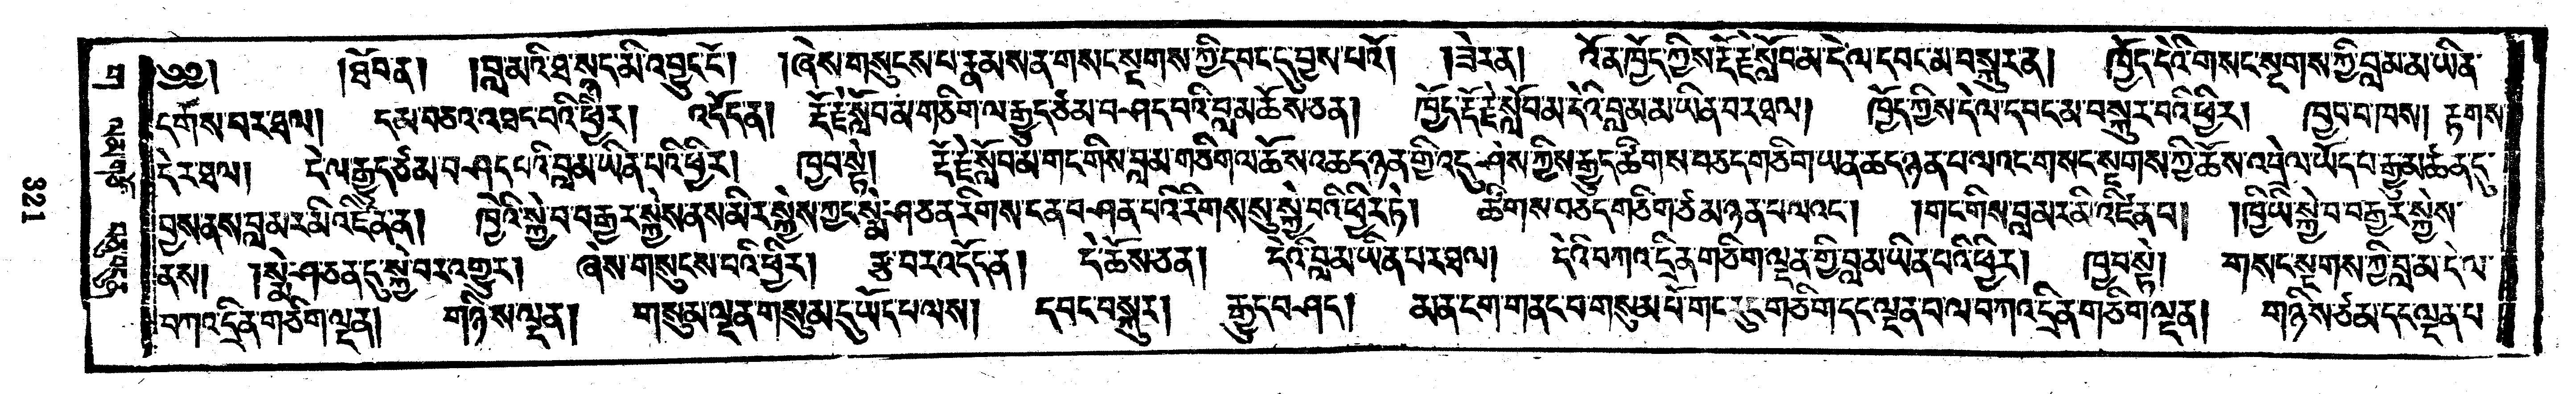༄༅། །ཐོབ་ན། བླ་མའི་ཐ་སྙད་མི་འབྱུང་ངོ། །ཞེས་གསུངས་པ་རྣམས་ན་གསང་སྔགས་ཀྱི་དབང་དུ་བྱས་པའོ། །ཟེར་ན། འོ་ན་ཁྱོད་ཀྱིས་རྡོ་རྗེ་སློབ་མ་དེ་ལ་དབང་མ་བསྐུར་ན། ཁྱོད་དེའི་གསང་སྔགས་ཀྱི་བླ་མ་མ་ཡིན་
དགོས་བར་ཐལ། དམ་བཅའ་འཐང་བའི་ཕྱིར། འདོད་ན། རྡོ་རྗེ་སློབ་མ་གཅིག་ལ་རྒྱུད་ཙམ་བཤད་བའི་བླ་མ་ཆོས་ཅན། ཁྱོད་རྡོ་རྗེ་སློབ་མ་དེའི་བླ་མ་མ་ཡིན་བར་ཐལ། ཁྱོད་ཀྱིས་དེ་ལ་དབང་མ་བསྐུར་བའི་ཕྱིར། ཁྱབ་བ་ཁས། རྟགས་
དེར་ཐལ། དེ་ལ་རྒྱུད་ཙམ་བཤད་པའི་བླ་མ་ཡིན་པའི་ཕྱིར། ཁྱབ་སྟེ། རྡོ་རྗེ་སློབ་མ་གང་གིས་བླ་མ་གཅིག་ལ་ཆོས་འཆད་ཉན་གྱི་འདུ་ཤེས་ཀྱིས་རྒྱུད་ཚིགས་བཅད་གཅིག་ཡན་ཆད་ཉན་པ་ལའང་གསང་སྔགས་ཀྱི་ཆོས་འབྲེལ་ཡོད་པ་རྒྱུ་མཚན་དུ་
བྱས་ནས་བླ་མར་མི་འཛིན་ན། ཁྱེའི་སྐྱེ་བ་བརྒྱར་སྐྱེས་ནས་མིར་སྐྱེས་ཀྱང་སྨེ་ཤ་ཅན་རིགས་ངན་བཤན་པའི་རིགས་སུ་སྐྱེ་བའི་ཕྱིར་ཏེ། ཚིགས་བཅད་གཅིག་ཙམ་ཉན་པ་ལའང་། །གང་གིས་བླ་མར་མི་འཛིན་པ། །ཁྱི་ཡི་སྐྱེ་བ་བརྒྱར་སྐྱེས་
ནས། །སྨེ་ཤ་ཅན་དུ་སྐྱེ་བར་འགྱུར། ཞེས་གསུངས་པའི་ཕྱིར། རྩ་བར་འདོད་ན། དེ་ཆོས་ཅན། དེའི་བླ་མ་ཡིན་པར་ཐལ། དེའི་བཀའ་དྲིན་གཅིག་ལྡན་གྱི་བླ་མ་ཡིན་པའི་ཕྱིར། ཁྱབ་སྟེ། གསང་སྔགས་ཀྱི་བླ་མ་དེ་ལ་
བཀའ་དྲིན་གཅིག་ལྡན། གཉིས་ལྡན། གསུམ་ལྡན་གསུམ་དུ་ཡོད་པ་ལས། དབང་བསྐུར། རྒྱུད་བཤད། མན་ངག་གནང་བ་གསུམ་པོ་གང་རུང་གཅིག་དང་ལྡན་པ་ལ་བཀའ་དྲིན་གཅིག་ལྡན། གཉིས་ཙམ་དང་ལྡན་པ་